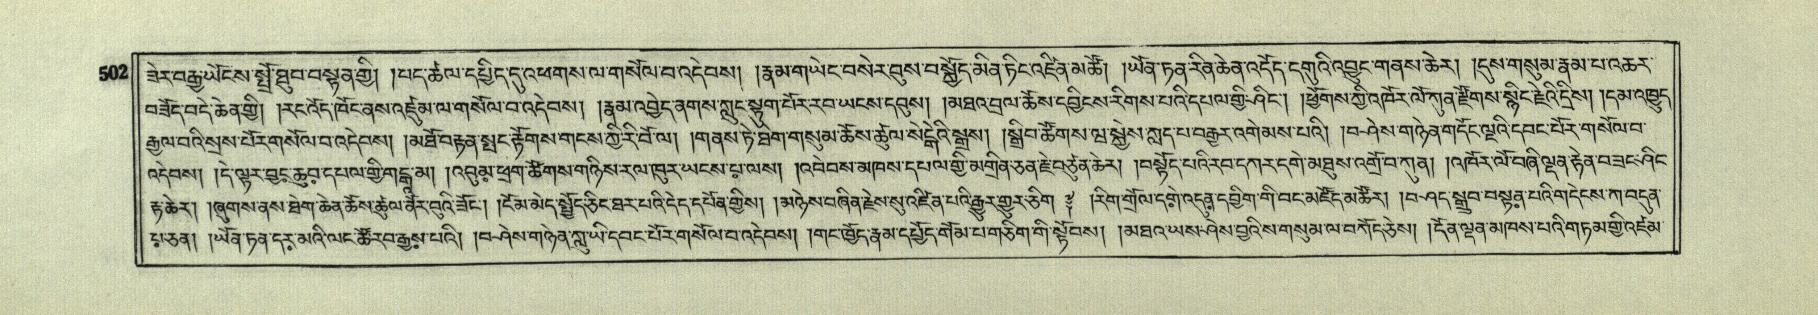ཟེར་བརྒྱ་ཡོངས་སྤྲོ་ཐུབ་བསྟན་གྱི། །པད་ཚལ་དཔྱིད་དུ་འཕགས་ལ་གསོལ་བ་འདེབས། །རྣམ་གཡེང་བསེར་བུས་བསྐྱོད་མིན་ཏིང་འཛིན་མཚོ། །ཡོན་ཏན་རིན་ཆེན་འདོད་དགུའི་འབྱུང་གནས་ཆེར། །དུས་གསུམ་རྣམ་པ་འཆར་
བཟོད་བདེ་ཆེན་གྱི། །རང་འོད་ཁོང་ནས་འཛུམ་ལ་གསོལ་བ་འདེབས། །རྣམ་འབྱེད་ནགས་ཀླུང་སྟུག་པོར་རབ་ཡངས་དབུས། །མཐའ་བྲལ་ཆོས་དབྱིངས་རིགས་པའི་དཔལ་གྱི་ཤིང་། །ཕྱོགས་ཀྱི་འཁོར་ལོ་ཀུན་རྫོགས་སྙིང་རྗེའི་དྲིས། །དམ་འཁྱུད་
རྒྱལ་བའི་སྲས་པོར་གསོལ་བ་འདེབས། །མཐོ་བརྟན་སྤང་རྟོགས་གངས་ཀྱི་རི་བོ་ལ། །གནས་ཏེ་ཐེག་གསུམ་ཆོས་ཚུལ་སེངྒེའི་སྒྲས། །སྒྲིབ་ཚོགས་ཝ་སྐྱེས་ཀླད་པ་བརྒྱར་འགེམས་པའི། །བཤེས་གཉེན་གདོང་ལྔའི་དབང་པོར་གསོལ་བ་
འདེབས། །དེ་ལྟར་བྱང྾་ཆུབ྾་དཔལ་གྱི་གངྒཱ་མ། །འབུམ྾་ཕྲག་ཚོགས་གཉིས་རལ་ཁུར་ཡངས་པ྾་ལས། །འབེབས་མཁས་དཔལ་གྱི་མགྲིན་ཅན་རྗེ་བཙུན་ཆེར། །བསྟོད་པའི་རབ་དཀར་དགེ་མཐུས་འགྲོ་བ་ཀུན། །འཁོར་ལོ་བཞི་ལྡན་རྟེན་བཟང་ཤིང་
རྟ་ཆེར། །ཞུགས་ནས་ཐེག་ཆེན་ཆོས་ཚུལ་ནོར་བུའི་ཟོང་། །ངོམ་མེད་སྤྱོད་ཅིང་ཐར་པའི་དེད་དཔོན་གྱིས། །མཉེས་བཞིན་རྗེས་སུ་འཛིན་པའི་རྒྱུར་གྱུར་ཅིག་འ་།རིག་གྲོལ་དགེ྾་འདུན྾་དབྱིག་གི་བང་མཛོད་མཚོར། །བཤད་སྒྲུབ་བསྟན྾་པའི་གདེངས་ཀ་བདུན་
པ྾་ཅན། །ཡོན་ཏན་དར྾་མའི་ལང་ཚོ་རབ་རྒྱས྾་པའི། །བཤེས་གཉེན་ཀླུ་ཡི་དབང་པོར་གསོལ་བ་འདེབས། །གང་ཁྱོད་རྣམ་དཔྱོད་གོམ་པ་གཅིག་གི་སྟོབས། །མཐའ་ཡས་ཤེས་བྱའི་ས་གསུམ་ལ་བཀོད་ཅེས། །དོན་ལྡན་མཁས་པའི་གཏམ་གྱི་འཛམ་